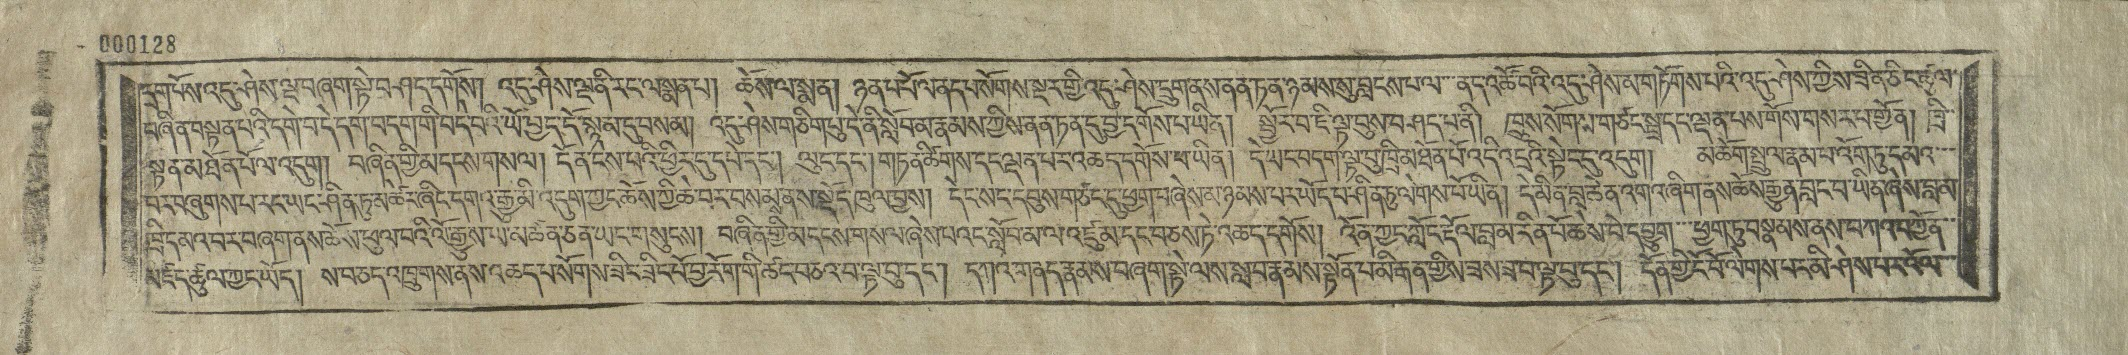དྲག་པོས་འདུ་ཤེས་ལྔ་བཞག་སྟེ་བཤད་དགོས། འདུ་ཤེས་ལྔ་ནི་རང་ལ་སྨན་པ། ཆོས་ལ་སྨན། ཉན་པ་པོ་ལ་ནད་པ་སོགས་སྔར་གྱི་འདུ་ཤེས་དྲུག་ནས་ནན་ཏན་ཉམས་སུ་བླངས་པ་ལ་ནད་འཚོ་བའི་འདུས་ཤེས་མ་གཏོགས་པའི་འདུ་ཤེས་ཀྱིས་ཟིན་ཅིང་ཚུལ་
བཞིན་བསྟན་པའི་དགེ་བདེ་དག་བདག་གི་བདེ་བའི་ཡོ་བྱད་དོ་སྙམ་དུ་བསམ། འདུ་ཤེས་གཅིག་པུ་དེ་ནི་སློབ་མ་རྣམས་ཀྱིས་ནན་ཏན་དུ་བྱ་དགོས་པ་ཡིན། སྦྱོར་བ་ཇི་ལྟ་བུས་བཤད་པ་ནི། ཁྲུས་སོགས་གཙང་སྦྲ་དང་ལྡན་པས་གོས་གསར་པ་གྱོན། ཁྲི་
སྟན་མཐོན་པོ་ལ་འདུག ། བཞིན་གྱི་མདངས་གསལ། དོན་ངེས་པའི་ཕྱིར་དུ་དཔེ་དང་། ལུང་དང་། གཏན་ཚིགས་དང་ལྡན་པར་འཆད་དགོས་པ་ཡིན། དེ་ཡང་བདག་ལྟ་བུ་ཁྲི་མཐོན་པོ་འདི་འདྲའི་སྟེང་དུ་འདུག ། མཆོག་སྤྲུལ་རྣམ་པ་འོག་ཏུ་དམའ་
བར་བཞུགས་པ་རང་ཡང་ཤིན་ཏུ་མཚེར་ཞིང་དགའ་རྒྱུ་མི་འདུག་ཀྱང་ཆོས་ཀྱི་ཆེ་བར་བསམས་ནས་སྡོད་ཁུལ་བྱས། དེང་སང་དབུས་གཙང་དུ་ཕྱག་བཞེས་མ་ཉམས་པར་ཡོད་པ་ཤིན་ཏུ་ལེགས་པོ་ཡིན། དེ་མིན་བླ་ཆེན་འགའ་ཞིག་ནས་ཆོས་རྒྱུན་བླང་བ་ཡིན་ཞེས་བླ་མ་
ཁྲི་དམའ་བར་བཞག་ནས་ཆོས་ཕུལ་བའི་ལོ་རྒྱུས་ཡ་མཚན་ཅན་ཡང་གསུངས། བཞིན་གྱི་མདངས་གསལ་ཞེས་པའང་སློབ་མ་ལ་འཛུམ་དང་བཅས་ཏེ་འཆད་དགོས། འོན་ཀྱང་ཀློང་རྡོལ་བླ་མ་རིན་པོ་ཆེས་བེ་དབྱུག་ཕྱག་ཏུ་བསྣམས་ནས་བཀའ་བཀྱོན་
མཛད་ཚུལ་ཀྱང་ཡོད། ས་བཅད་འཁྲུགས་ནས་འཆད་པ་སོགས་ཟིང་ཟིང་པོ་བྱ་རོག་གི་ཚང་བཅའ་བ་ལྟ་བུ་དང་། དཀའ་གནད་རྣམས་བཞག་སྟེ་ལས་སླ་བ་རྣམས་སྟོན་པ་མི་རྒན་གྱིས་ཟས་ཟ་བ་ལྟ་བུ་དང་། དོན་གྱི་ངོ་བོ་ལེགས་པར་མི་ཤེས་པར་འོལ་